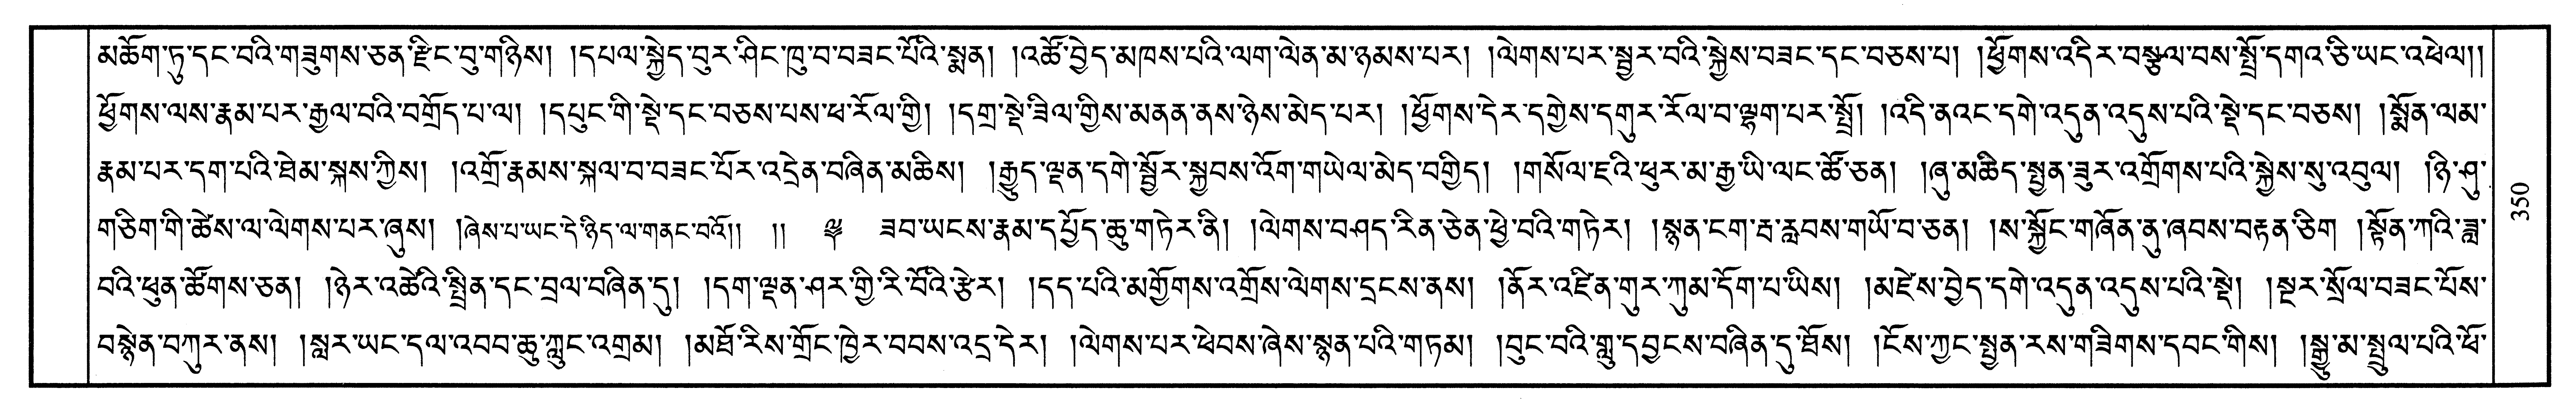མཆོག་ཏུ་དང་བའི་གཟུགས་ཅན་རྫིང་བུ་གཉིས། །དཔལ་སྐྱེད་བུར་ཤིང་ཁུ་བ་བཟང་པོའི་སྨན། །འཚོ་བྱེད་མཁས་པའི་ལག་ལེན་མ་ཉམས་པར། །ལེགས་པར་སྦྱར་བའི་སྐྱེས་བཟང་དང་བཅས་པ། །ཕྱོགས་འདིར་བསྩལ་བས་སྤྲོ་དགའ་ཅི་ཡང་འཕེལ།།
ཕྱོགས་ལས་རྣམ་པར་རྒྱལ་བའི་བགྲོད་པ་ལ། །དཔུང་གི་སྡེ་དང་བཅས་པས་ཕ་རོལ་གྱི། །དགྲ་སྡེ་ཟིལ་གྱིས་མནན་ནས་ཉེས་མེད་པར། །ཕྱོགས་དེར་དགྱེས་དགུར་རོལ་བ་ལྷག་པར་སྤྲོ། །འདི་ནའང་དགེ་འདུན་འདུས་པའི་སྡེ་དང་བཅས། །སྨོན་ལམ་
རྣམ་པར་དག་པའི་ཐེམ་སྐས་ཀྱིས། །འགྲོ་རྣམས་སྐལ་པ་བཟང་པོར་འདྲེན་བཞིན་མཆིས། །རྒྱུད་ལྡན་དགེ་སྦྱོར་སྐྱབས་འོག་གཡེལ་མེད་བགྱིད། །གསོལ་ཇའི་ཕུར་མ་རྒྱ་ཡི་ལང་ཚོ་ཅན། །ཞུ་མཆིད་སྤྱན་ཟུར་འགྲོགས་པའི་སྐྱེས་སུ་འབུལ། །ཉི་ཤུ་
གཅིག་གི་ཚེས་ལ་ལེགས་པར་ཞུས། །ཞེས་པ་ཡང་དེ་ཉིད་ལ་གནང་བའོ།། །། ༈ ཟབ་ཡངས་རྣམ་དཔྱོད་ཆུ་གཏེར་ནི། །ལེགས་བཤད་རིན་ཅེན་ཕྱེ་བའི་གཏེར། །སྙན་ངག་རྦ་རླབས་གཡོ་བ་ཅན། །ས་སྐྱོང་གཞོན་ནུ་ཞབས་བརྟན་ཅིག །སྟོན་ཀའི་ཟླ་
བའི་ཕུན་ཚོགས་ཅན། །ཉེར་འཚེའི་སྤྲིན་དང་བྲལ་བཞིན་དུ། །དག་ལྡན་ཤར་གྱི་རི་བོའི་རྩེར། །དད་པའི་མགྱོགས་འགྲོས་ལེགས་དྲངས་ནས། །ནོར་འཛིན་གུར་ཀུམ་དོག་པ་ཡིས། །མཛེས་བྱེད་དགེ་འདུན་འདུས་པའི་སྡེ། །སྔར་སྲོལ་བཟང་པོས་
བསྙེན་བཀུར་ནས། །སླར་ཡང་དལ་འབབ་ཆུ་ཀླུང་འགྲམ། །མཐོ་རིས་གྲོང་ཁྱེར་བབས་འདྲ་དེར། །ལེགས་པར་ཕེབས་ཞེས་སྙན་པའི་གཏམ། །བུང་བའི་གླུ་དབྱངས་བཞིན་དུ་ཐོས། །ངོས་ཀྱང་སྤྱན་རས་གཟིགས་དབང་གིས། །སྒྱུ་མ་སྤྲུལ་པའི་ཕོ་